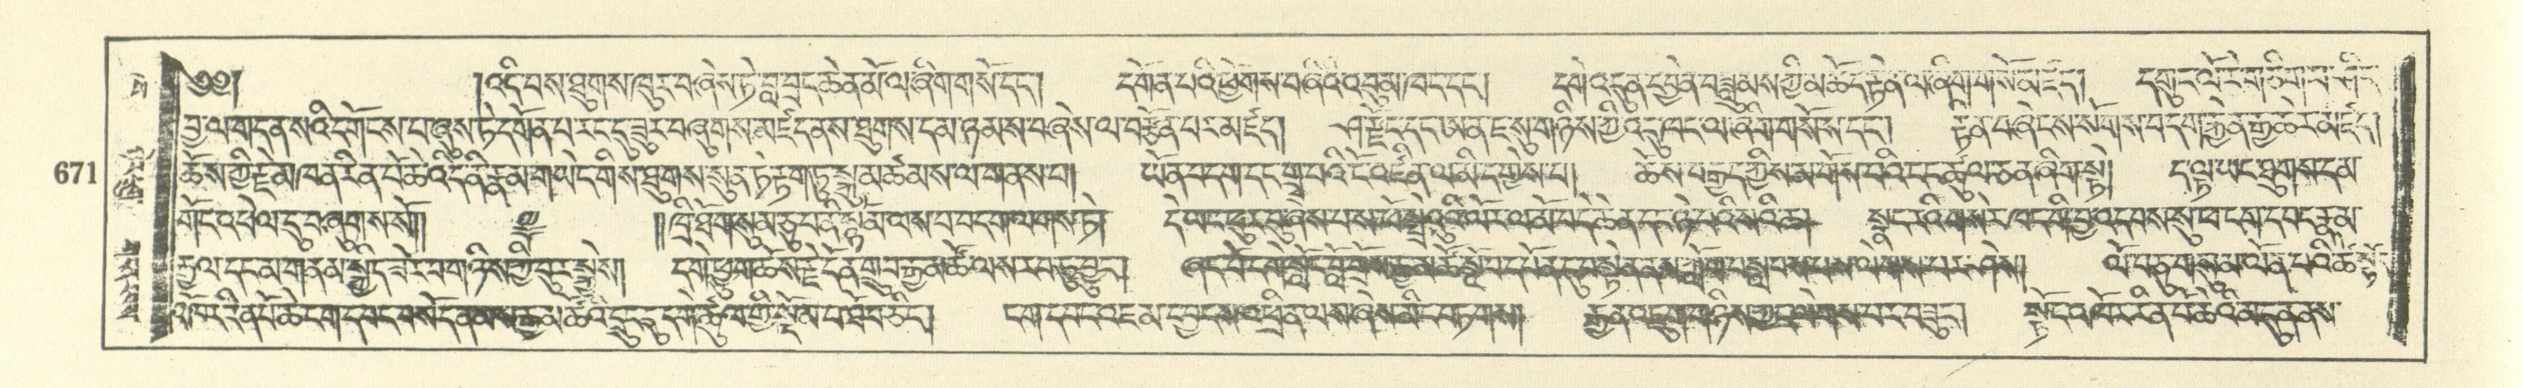༄༅། །འདི་བས་ཐུགས་ཁུར་བཞེས་ཏེ་བླ་བྲང་ཆེན་མོ་ལ་ཞིག་གསོ་དང་། དགོན་པའི་ཕྱོགས་བཞིའི་འབུམ་ཁང་དང་། དགེ་འདུན་དབྱེ་ན་བཟླུམས་ཀྱི་མཆོད་རྟེན་ལ་ཞིག་གསོ་མཛད། དགུང་ལོ་རེ་གཅིག་པ་ཤིང་
བྱ་ལ་གདན་སའི་དགོངས་པ་ཞུས་ཏེ་དགོན་པ་རང་དུ་ཟུར་བཞུགས་མཛད་ནས་ཐུགས་དམ་ཉམས་བཞེས་ལ་བརྩོན་པར་མཛད། ཤ་རྫོང་དང་ཨན་ཇ་སུ་གཉིས་ཀྱི་འདུ་ཁང་ལ་ཞིག་གསོས་དང་། རྟེན་བཞེངས་སོགས་བདག་རྐྱེན་རྒྱ་ཆེར་མཛད།
ཆོས་ཀྱི་རྗེ་མཁན་རིན་པོ་ཆེ་འདི་ནི་རྣམ་གཡེང་གིས་ཐུགས་སུན་ཏེ་རྟག་ཏུ་སྐུ་མཚམས་ལ་གནས་པ། ཡོན་བདག་དང་གྲྭ་པའི་ངོ་འཛིན་ལ་མི་དགྱེས་པ། ཆོས་བརྒྱད་ཀྱིས་མགོས་པའི་ངང་ཚུལ་ཅན་ཞིག་སྟེ། ད་ལྟ་ཡང་ཐུགས་དམ་
གོང་འཕེལ་དུ་བཞུགས་སོ།། ༈ །།ཁྲི་ཐོག་སུམ་ཅུ་བ་ནི་སྙོམ་ལས་པ་བདག་ལགས་ཏེ། དེ་ཡང་ཕུར་བུ་ཞེས་པ་ས་ཕོ་སྤྲེའུའི་ལོར་ལ་མོ་བདེ་ཆེན་དང་ཉེ་བའི་སའི་ཆ། སྣང་རའི་གསེར་ཁང་གི་བྱ་འདབས་སུ་ཕ་ངག་དབང་རྣམ་
རྒྱལ་དང་མ་གནམ་སྐྱིད་ཟེར་བ་གཉིས་ཀྱི་བུར་སྐྱེས། དགེ་ཕྱུག་ཆོས་རྗེ་དོན་གྲུབ་རྒྱ་མཚོ་ལས་རབ་ཏུ་བྱུང་། ཞང་བོ་དགེ་སློང་བློ་གྲོས་རྒྱ་མཚོ་སློབ་དཔོན་དུ་བསྟེན་ནས་ཀློག་བསླབས་པས་ལེགས་པར་ཤེས། ལོ་བཅུ་གསུམ་ལོན་པའི་ཚེ་སྟོང་
འཁོར་རིན་པོ་ཆེ་ངག་དབང་བསོད་ནམས་རྒྱ་མཚོའི་དྲུང་དུ་དགེ་ཚུལ་གྱི་སྡོམ་པ་ཐོབ་ཅིང་། ངག་དབང་འཇམ་དབྱངས་འཕྲིན་ལས་ཞེས་མིང་བཏགས། རྒྱན་འཇུག་གཉིས་ཀྱང་ལེགས་པར་བཟུང་། སྟོང་འཁོར་རིན་པོ་ཆེའི་མདུན་ནས་